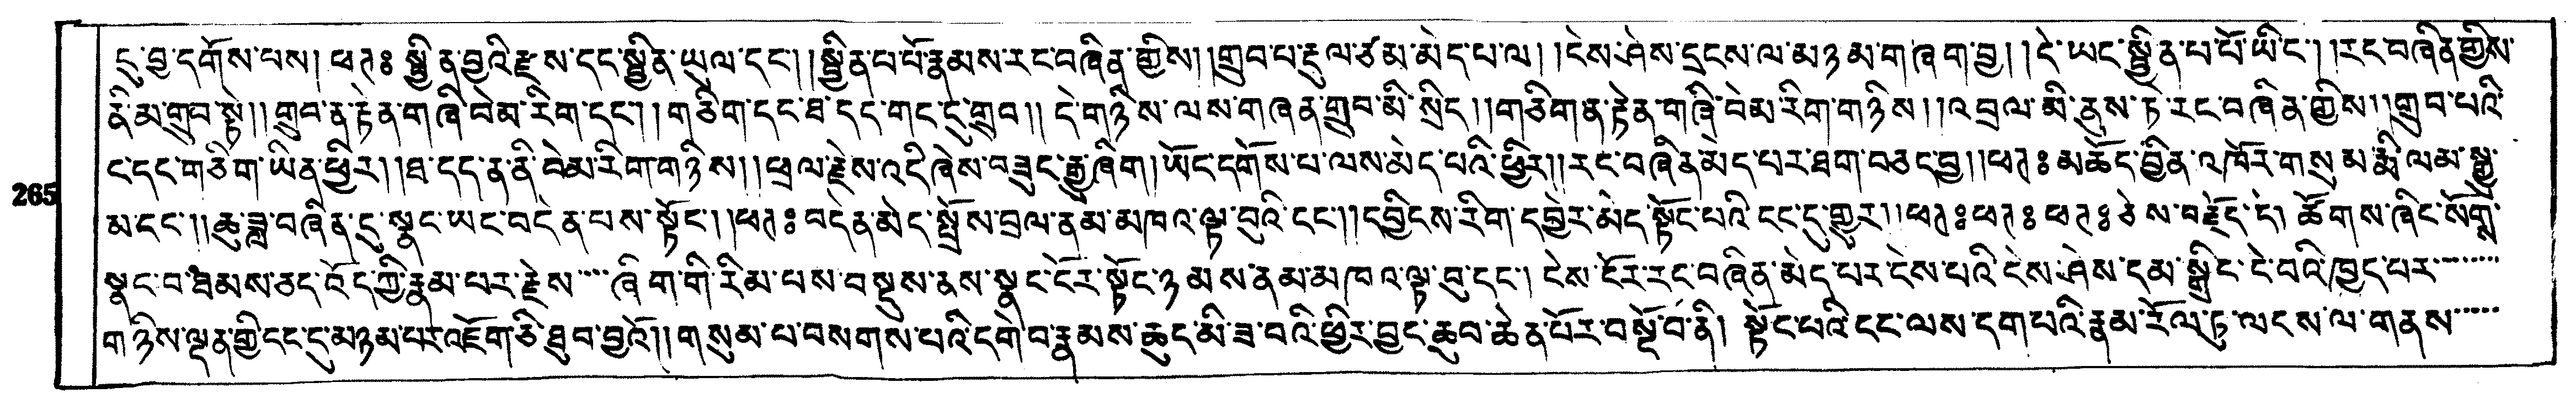དུ་བྱ་དགོས་པས། ཕཊཿ སྦྱིན་བྱའི་རྫས་དང་སྦྱིན་ཡུལ་དང་། །སྦྱིན་པ་པོ་རྣམས་རང་བཞིན་གྱིས། །གྲུབ་པ་རྡུལ་ཙམ་མེད་པ་ལ། །ངེས་ཤེས་དྲངས་ལ་མཉམ་གཞག་བྱ། །དེ་ཡང་སྦྱིན་པ་པོ་ཡིད། །རང་བཞིན་གྱིས་
ནི་མ་གྲུབ་སྟེ། །གྲུབ་ན་རྟེན་གཞི་བེམ་རིག་དང་། །གཅིག་དང་ཐ་དད་གང་དུ་གྲུབ། །དེ་གཉིས་ལས་གཞན་གྲུབ་མི་སྲིད། །གཅིག་ན་རྟེན་གཞི་བེམ་རིག་གཉིས། །འབྲལ་མི་ནུས་ཏེ་རང་བཞིན་གྱིས། །གྲུབ་པའི་
ང་དང་གཅིག་ཡིན་ཕྱིར། །ཐ་དད་ན་ནི་བེམ་རིག་གཉིས། །ཕྲལ་རྗེས་འདི་ཞེས་བཟུང་རྒྱུ་ཞིག །ཡོང་དགོས་པ་ལས་མེད་པའི་ཕྱིར། །རང་བཞིན་མེད་པར་ཐག་བཅད་བྱ། །ཕཊཿ མཆོད་བྱིན་འཁོར་གསུམ་རྨི་ལམ་སྒྱུ་
མ་དང་། །ཆུ་ཟླ་བཞིན་དུ་སྣང་ཡང་བདེན་པས་སྟོང་། །ཕཊཿ བདེན་མེད་སྤྲོས་བྲལ་ནམ་མཁའ་ལྟ་བུའི་ངང་། །དབྱིངས་རིག་དབྱེར་མེད་སྟོང་པའི་ངང་དུ་གྱུར། །ཕཊཿ ཕཊཿ ཕཊཿ ཅེས་བརྗོད་དེ། ཚོགས་ཞིང་སོགས་
སྣང་བ་ཐམས་ཅད་འོད་ཀྱི་རྣམ་པར་རྗེས་ཞིག་གི་རིམ་པས་བསྡུས་ནས་སྣང་ངོར་སྟོང་ཉམས་ནམ་མཁའ་ལྟ་བུ་དང་། ངེས་ངོར་རང་བཞིན་མེད་པར་ངེས་པའི་ངེས་ཤེས་དམ་སྒྲིང་ངེ་བའི་ཁྱད་པར་
གཉིས་ལྡན་གྱི་ངང་དུ་མཉམ་པར་འཇོག་ཅི་ཐུབ་བྱའོ། །གསུམ་པ་བསགས་པའི་དགེ་བ་རྣམས་ཆུང་མི་ཟ་བའི་ཕྱིར་བྱང་ཆུབ་ཆེན་པོར་བསྔོ་བ་ནི། སྟོང་པའི་ངང་ལས་དག་པའི་རྣམ་རོལ་ཏུ་ལངས་ལ་གནས་